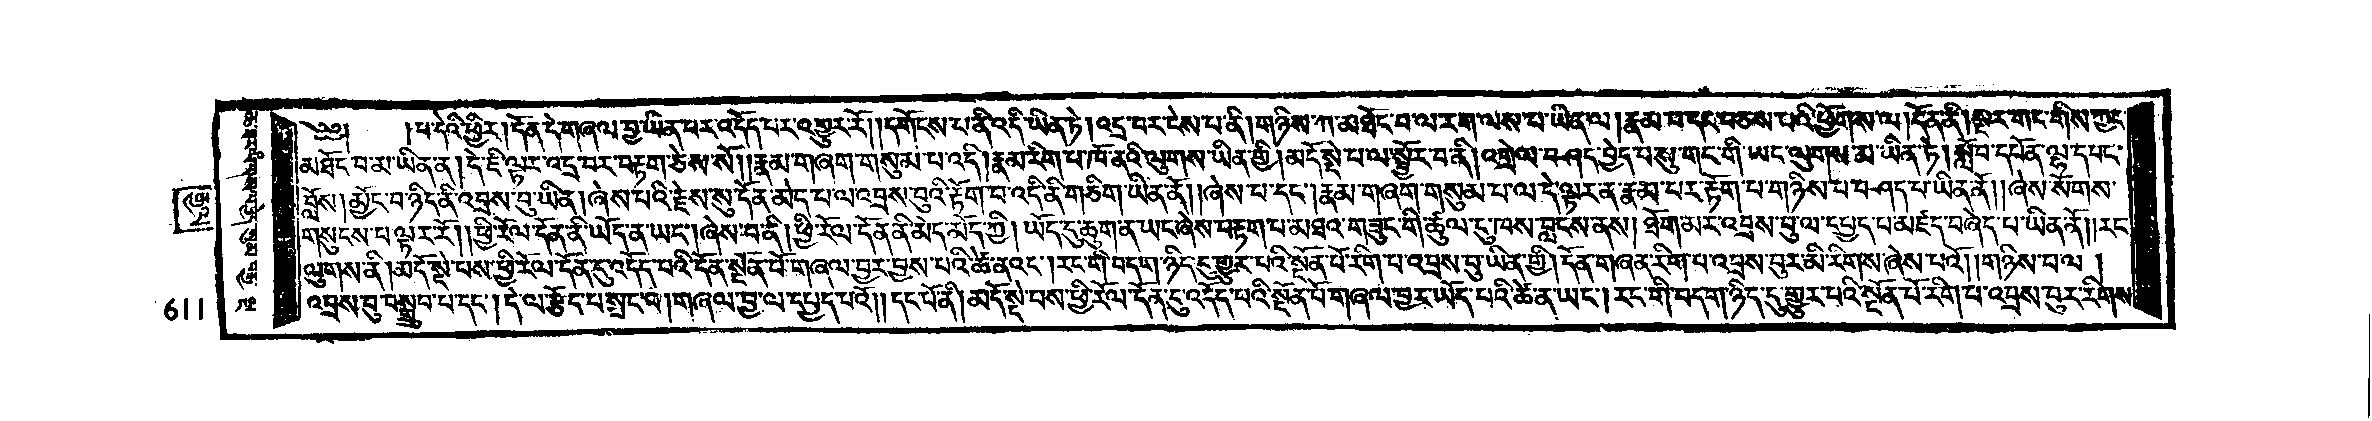༄༅། །པ་དེའི་ཕྱིར། དོན་དེ་གཞལ་བྱ་ཡིན་པར་འདོད་པར་འགྱུར་རོ། །དགོངས་པ་ནི་འདི་ཡིན་ཏེ། འདྲ་བར་ངེས་པ་ནི། གཉིས་ཀ་མཐོང་བ་ལ་རག་ལས་པ་ཡིན་ལ། རྣམ་པ་དང་བཅས་པའི་ཕྱོགས་ལ། དོན་ནི། སྔར་གང་གིས་ཀྱང་
མཐོང་བ་མ་ཡིན་ན། དེ་ཇི་ལྟར་འདྲ་བར་བརྟག་ཅེས་སོ། །རྣམ་གཞག་གསུམ་པ་འདི། རྣམ་རིག་པ་ཁོ་ནའི་ལུགས་ཡིན་གྱི། མདོ་སྡེ་པ་ལ་སྦྱོར་བ་ནི། འགྲེལ་བཤད་བྱེད་པ་སུ་གང་གི་ཡང་ལུགས་མ་ཡིན་ཏེ། སློབ་དཔོན་ལྷ་དབང་
བློས། མྱོང་བ་ཉིད་ནི་འབྲས་བུ་ཡིན། ཞེས་པའི་རྗེས་སུ་དོན་མེད་པ་ལ་འབྲས་བུའི་རྟོག་པ་འདི་ནི་གཅིག་ཡིན་ནོ། །ཞེས་པ་དང་། རྣམ་གཞག་གསུམ་པ་ལ་དེ་ལྟར་ན་རྣམ་པར་རྟོག་པ་གཉིས་པ་བཤད་པ་ཡིན་ནོ། །ཞེས་སོགས་
གསུངས་པ་ལྟར་རོ། །ཕྱི་རོལ་དོན་ནི་ཡོད་ན་ཡང་། ཞེས་པ་ནི། ཕྱི་རོལ་དོན་ནི་མེད་མོད་ཀྱི། ཡོད་དུ་ཆུག་ན་ཡང་ཞེས་བརྟག་པ་མཐའ་གཟུང་གི་ཚུལ་དུ་ཁས་བླངས་ནས། ཐོག་མར་འབྲས་བུ་ལ་དཔྱད་པ་མཛད་བཞེད་པ་ཡིན་ནོ། །རང་
ལུགས་ནི། མདོ་སྡེ་པས་ཕྱི་རོལ་དོན་དུ་འདོད་པའི་དོན་སྔོན་པོ་གཞལ་བྱར་བྱས་པའི་ཚེ་ནའང་། རང་གི་བདག་ཉིད་དུ་གྱུར་པའི་སྔོན་པོ་རིག་པ་འབྲས་བུ་ཡིན་གྱི། དོན་གཞན་རིག་པ་འབྲས་བུར་མི་རིགས་ཞེས་པའོ། །གཉིས་པ་ལ།
འབྲས་བུ་བསྒྲུབ་པ་དང་། དེ་ལ་རྩོད་པ་སྤང་བ། གཞལ་བྱ་ལ་དཔྱད་པའོ། །དང་པོ་ནི། མདོ་སྡེ་པས་ཕྱི་རོལ་དོན་དུ་འདོད་པའི་སྔོན་པོ་གཞལ་བྱར་ཡོད་པའི་ཚེ་ན་ཡང་། རང་གི་བདག་ཉིད་དུ་གྱུར་པའི་སྔོན་པོ་རིག་པ་འབྲས་བུར་རིགས་